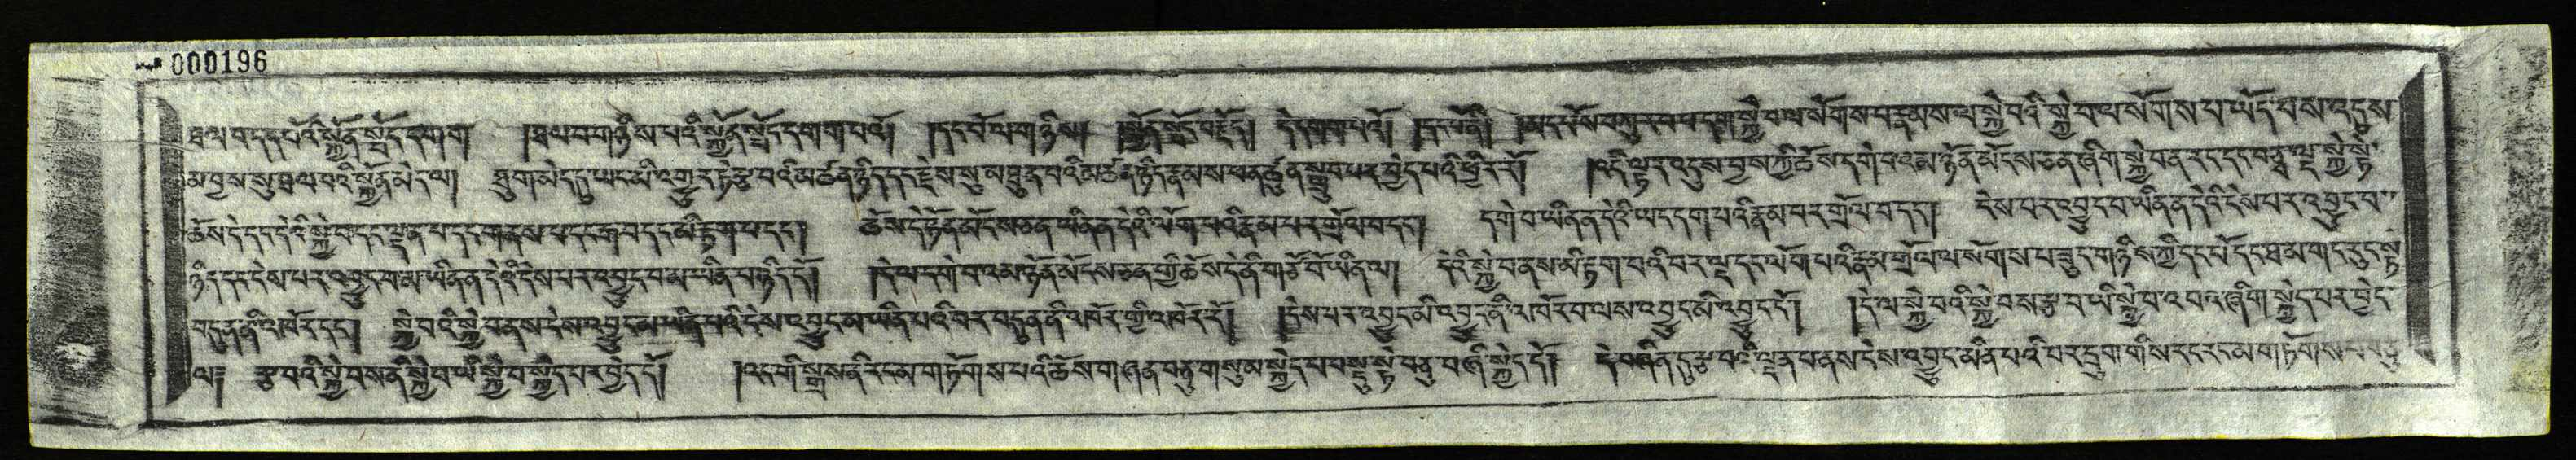ཐལ་བ་དང་པོའི་སྐྱོན་སྤོང་དགག །ཐལ་བ་གཉིས་པའི་སྐྱོན་སྤོང་དགག་པའོ། །དང་པོ་ལ་གཉིས། །སྐྱོན་སྤོང་བརྗོད། དེ་དགག་པའོ། །དང་པོ་ནི། །མང་པོས་བཀུར་བ་པ་དག་སྐྱེ་བ་ལ་སོགས་པ་རྣམས་ལ་སྐྱེ་བའི་སྐྱེ་བ་ལ་སོགས་པ་ཡོད་པས་འདུས་
མ་བྱས་སུ་ཐལ་བའི་སྐྱོན་མེད་ལ། ཐུག་མེད་དུ་ཡང་མི་འགྱུར་ཏེ་རྩ་བའི་མཚན་ཉིད་དང་རྗེས་སུ་མཐུན་པའི་མཚན་ཉིད་རྣམས་ཕན་ཚུན་སྒྲུབ་པར་བྱེད་པའི་ཕྱིར་རོ། །འདི་ལྟར་འདུས་བྱས་ཀྱི་ཆོས་དགེ་བའམ་ཉོན་མོངས་ཅན་ཞིག་སྐྱེ་བ་ན་རང་དང་བཅྭ་ལྔ་སྐྱེ་སྟེ་
ཆོས་དེ་དང་དེའི་སྐྱེ་བ་དང་ལྡན་པ་དང་གནས་པ་དང་རྒ་བ་དང་མི་རྟག་པ་དང་། ཆོས་དེ་ཉོན་མོངས་ཅན་ཡིན་ན་དེའི་ལོག་པའི་རྣམ་པར་གྲོལ་བ་དང་། དགེ་བ་ཡིན་ན་དེའི་ཡང་དག་པའི་རྣམ་པར་གྲོལ་བ་དང་། ངེས་པར་འབྱུང་བ་ཡིན་ན་དེའི་ངེས་པར་འབྱུང་བ་
ཉིད་དང་ངེས་པར་འབྱུང་བ་མ་ཡིན་ན་དེའི་ངེས་པར་འབྱུང་བ་མ་ཡིན་པ་ཉིད་དོ། །དེ་ལ་དགེ་བ་འམ་ཉོན་མོངས་ཅན་གྱི་ཆོས་དེ་ནི་གཙོ་བོ་ཡིན་ལ། དེའི་སྐྱེ་བ་ནས་མི་རྟག་པའི་བར་ལྔ་དང་ལོག་པའི་རྣམ་གྲོལ་ལ་སོགས་པ་ཟུང་གཉིས་ཀྱི་དང་པོ་དང་ཐ་མ་གང་རུང་སྟེ་
བདུན་ནི་འཁོར་དང་། སྐྱེ་བའི་སྐྱེ་བ་ནས་ངེས་འབྱུང་མ་ཡིན་པའི་ངེས་འབྱུང་མ་ཡིན་པའི་བར་བདུན་ནི་འཁོར་གྱི་འཁོར་རོ། །ངེས་པར་འབྱུང་མི་འབྱུང་ནི་འཁོར་བ་ལས་འབྱུང་མི་འབྱུང་ངོ། །དེ་ལ་སྐྱེ་བའི་སྐྱེ་བས་རྩ་བ་ཡི་སྐྱེ་བ་འབའ་ཞིག་སྐྱེད་པར་བྱེད་
ལ༑ རྩ་བའི་སྐྱེ་བས་ནི་སྐྱེ་བ་ཡི་སྐྱེ་བ་སྐྱེད་པར་བྱེད་དོ། །རང་གི་སྒྲས་ནི་རང་མ་གཏོགས་པའི་ཆོས་གཞན་བཅུ་གསུམ་སྐྱེད་པ་བསྡུ་སྟེ་བཅུ་བཞི་སྐྱེད་དོ། དེ་བཞིན་དུ་རྩ་བའི་ལྡན་པ་ནས་ངེས་འབྱུང་མིན་པའི་བར་དྲུག་གིས་རང་རང་མ་གཏོགས་པ་བཅུ་